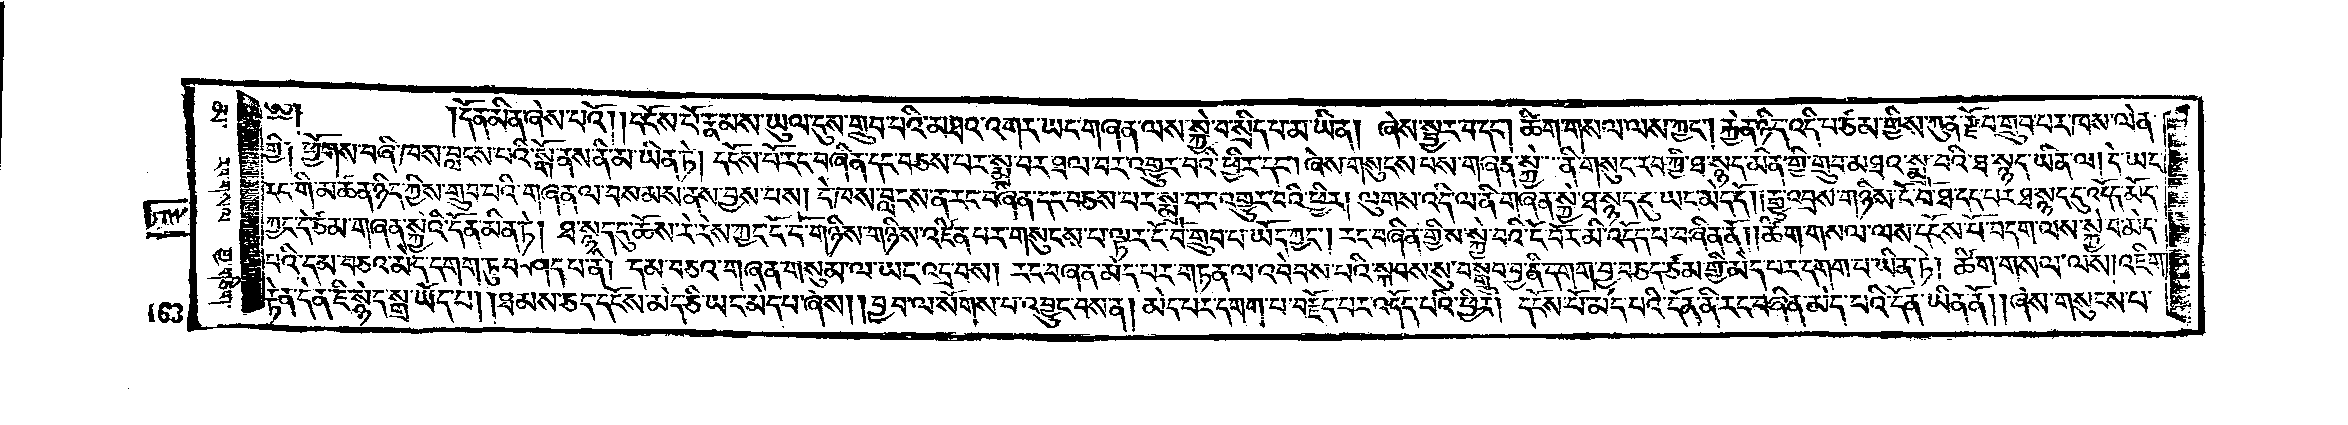༄༅། །དོན་མིན་ཞེས་པའོ། །དངོས་པོ་རྣམས་ཡུལ་དུས་གྲུབ་པའི་མཐའ་འགར་ཡང་གཞན་ལས་སྐྱེ་བ་སྲིད་པ་མ་ཡིན། ཞེས་སྦྱར་བ་དང་། ཚིག་གསལ་ལས་ཀྱང་། རྐྱེན་ཉིད་འདི་པ་ཙམ་གྱིས་ཀུན་རྫོབ་གྲུབ་པར་ཁས་ལེན་
གྱི། ཕྱོགས་བཞི་ཁས་བླངས་པའི་སྒོ་ནས་ནི་མ་ཡིན་ཏེ། དངོས་པོ་རང་བཞིན་དང་བཅས་པར་སྨྲ་བར་ཐལ་བར་འགྱུར་པའི་ཕྱིར་དང་། ཞེས་གསུངས་པས་གཞན་སྐྱེ་ནི་གསུང་རབ་ཀྱི་ཐ་སྙད་མིན་གྱི་གྲུབ་མཐའ་སྨྲ་བའི་ཐ་སྙད་ཡིན་ལ། དེ་ཡང་
རང་གི་མཚན་ཉིད་ཀྱིས་གྲུབ་པའི་གཞན་ལ་བསམས་ནས་བྱས་པས། དེ་ཁས་བླངས་ན་རང་བཞིན་དང་བཅས་པར་སྨྲ་བར་འགྱུར་བའི་ཕྱིར་ལུགས་འདི་ལ་ནི་གཞན་སྐྱེ་ཐ་སྙད་དུ་ཡང་མེད་དོ། །རྒྱུ་འབྲས་གཉིས་ངོ་བོ་ཐ་དད་པར་ཐ་སྙད་དུ་འདོད་མོད་
ཀྱང་དེ་ཙམ་གཞན་སྐྱེའི་དོན་མིན་ཏེ། ཐ་སྙད་དུ་ཆོས་རེ་རེས་ཀྱང་ངོ་བོ་གཉིས་གཉིས་འཛིན་པར་གསུངས་པ་ལྟར་ངོ་བོ་གྲུབ་པ་ཡོད་ཀྱང་། རང་བཞིན་གྱིས་སྐྱེ་བའི་ངོ་བོར་མི་འདོད་པ་བཞིན་ནོ། །ཚིག་གསལ་ལས་དངོས་པོ་བདག་ལས་སྐྱེ་བ་མེད་
པའི་དམ་བཅའ་མེད་དགག་ཏུ་བཤད་པ་ནི། དམ་བཅའ་གཞན་གསུམ་ལ་ཡང་འདྲ་བས། རང་བཞིན་མེད་པར་གཏན་ལ་འབེབས་པའི་སྐབས་སུ་བསྒྲུབ་བྱ་ནི་དགག་བྱ་བཅད་ཙམ་གྱི་མེད་པར་དགག་པ་ཡིན་ཏེ། ཚིག་གསལ་ལས། འཇིག་
རྟེན་དེ་ན་ཇི་སྙེད་སྒྲ་ཡོད་པ། །ཐམས་ཅད་དངོས་མེད་ཅི་ཡང་མེད་པ་ཞེས། །བྱ་བ་ལ་སོགས་པ་འབྱུང་བས་ན། མེད་པར་དགག་པ་བརྗོད་པར་འདོད་པའི་ཕྱིར། དངོས་པོ་མེད་པའི་དོན་ནི་རང་བཞིན་མེད་པའི་དོན་ཡིན་ནོ། །ཞེས་གསུངས་པ་